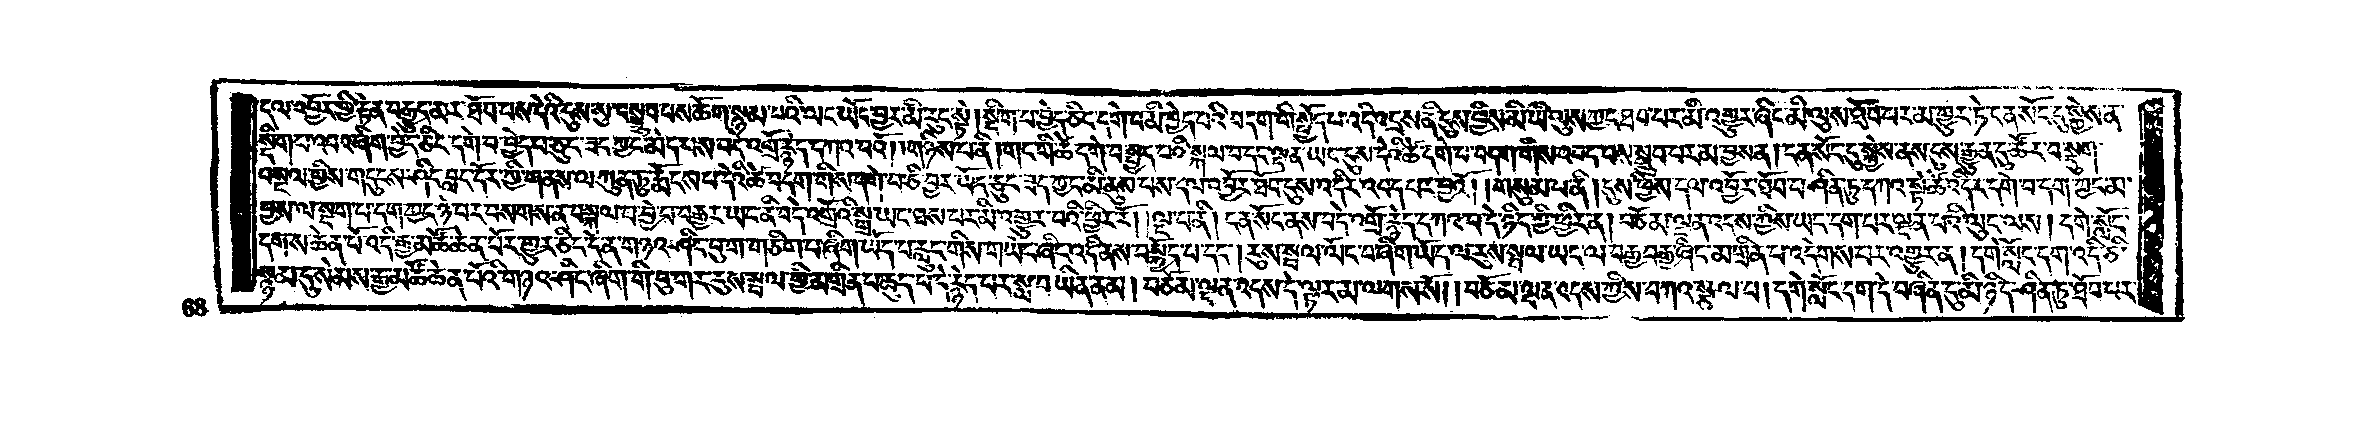དལ་འབྱོར་གྱི་རྟེན་བརྒྱུད་མར་ཐོབ་པས་དེའི་དུས་སུ་བསྒྲུབ་པས་ཆོག་སྙམ་པའི་ལང་ཡོད་བྱར་མི་རུང་སྟེ། སྡིག་པ་བྱེད་ཅིང་དགེ་བ་མི་བྱེད་པའི་བདག་གི་སྤྱོད་པ་འདི་འདྲས་ནི་དུས་བྱིས་མི་ཡི་ལུས་ཀྱང་ཐབ་པར་མི་འགྱུར་ཞིང་མི་ལུས་ཐོབ་པར་མ་གྱུར་ཏེ་ངན་སོང་དུ་སྐྱེས་ན་
སྡིག་པ་འབའ་ཞིག་བྱེད་ཅིང་དགེ་བ་བྱེད་པ་ཅུང་ཟད་ཀྱང་མེད་པས་བདེ་འགྲོ་རྙེད་དཀའ་བའོ། །གཉིས་པ་ནི། གང་གི་ཚེ་དགེ་བ་སྤྱད་པའི་སྐལ་བ་དང་ལྡན་ཡང་དུས་དེའི་ཚེ་དགེ་བ་བདག་གིས་འབད་པས་སྒྲུབ་པར་མ་བྱས་ན། ངན་སོང་དུ་སྐྱེས་ནས་དུས་རྒྱུན་དུ་ཚོར་བ་སྡུག་
བསྔལ་གྱིས་གདུངས་ཤིང་བླང་དོར་གྱི་གནས་ལ་ཀུན་ཏུ་རྨོངས་པ་དེའི་ཚེ་བདག་གིས་དགེ་བ་ཅི་བྱར་ཡོད་ཅུང་ཟད་ཀྱང་མི་ནུས་པས་དལ་འབྱོར་ཐོབ་དུས་འདིར་འབད་པར་བྱའོ། །གསུམ་པ་ནི། དུས་ཕྱིས་དལ་འབྱོར་ཐོབ་པ་ཤིན་ཏུ་དཀའ་སྟེ་ཚེ་འདིར་དགེ་བ་དག་ཀྱང་མ་
བྱས་ལ་སྔག་པ་དག་ཀྱང་ཉེ་བར་བསགས་ན་བསྐལ་པ་བྱེད་བ་བརྒྱར་ཡང་ནི་བདེ་འགྲོའི་སྒྲ་ཡང་ཐས་པར་མི་འགྱུར་བའི་ཕྱིར་རོ། །ལྔ་པ་ནི། ངན་སོང་ནས་བདེ་འགྲོ་རྙེད་དཀའ་བ་དེ་ཉིད་ཀྱི་ཕྱིར་ན། བཅོམ་ལྡན་འདས་ཀྱིས་ཡང་དག་པར་ལྡན་པའི་ལུང་ལས། དགེ་སློང་
དག་ས་ཆེན་པོ་འདི་རྒྱ་མཚོ་ཆེན་པོར་གྱུར་ཅིང་དེ་ན་གཉའ་ཤིང་བུ་ག་གཅིག་པ་ཞིག་ཡོད་པ་རླུང་གིས་གཡོང་ཞིང་འདི་ནས་བསྐྱོད་པ་དང་། རུས་སྦལ་ལོང་བ་ཞིག་ཡོད་ལ་རུས་སྦལ་ཡང་ལ་བརྒྱ་བརྒྱ་ཞིང་མགྲིན་པ་འདེགས་པར་འགྱུར་ན། དགེ་སློང་དག་འདི་ཅི་
སྙམ་དུ་སེམས་རྒྱ་མཚོ་ཆེན་པོའི་གཉའ་ཤིང་ཞིག་གི་བུ་གར་རུས་སྦལ་གྱི་མགྲིན་པ་ཆུད་པ་དེ་རྙེད་པར་སླ་བ་ཡིན་ནམ། བཅོམ་ལྡན་འདས་དེ་ལྟར་མ་ལགས་སོ། །བཅོམ་ལྡན་འདས་ཀྱིས་བཀའ་སྩལ་པ། དགེ་སློང་དག་དེ་བཞིན་དུ་མི་ཉིད་ཤིན་ཏུ་ཐོབ་པར་